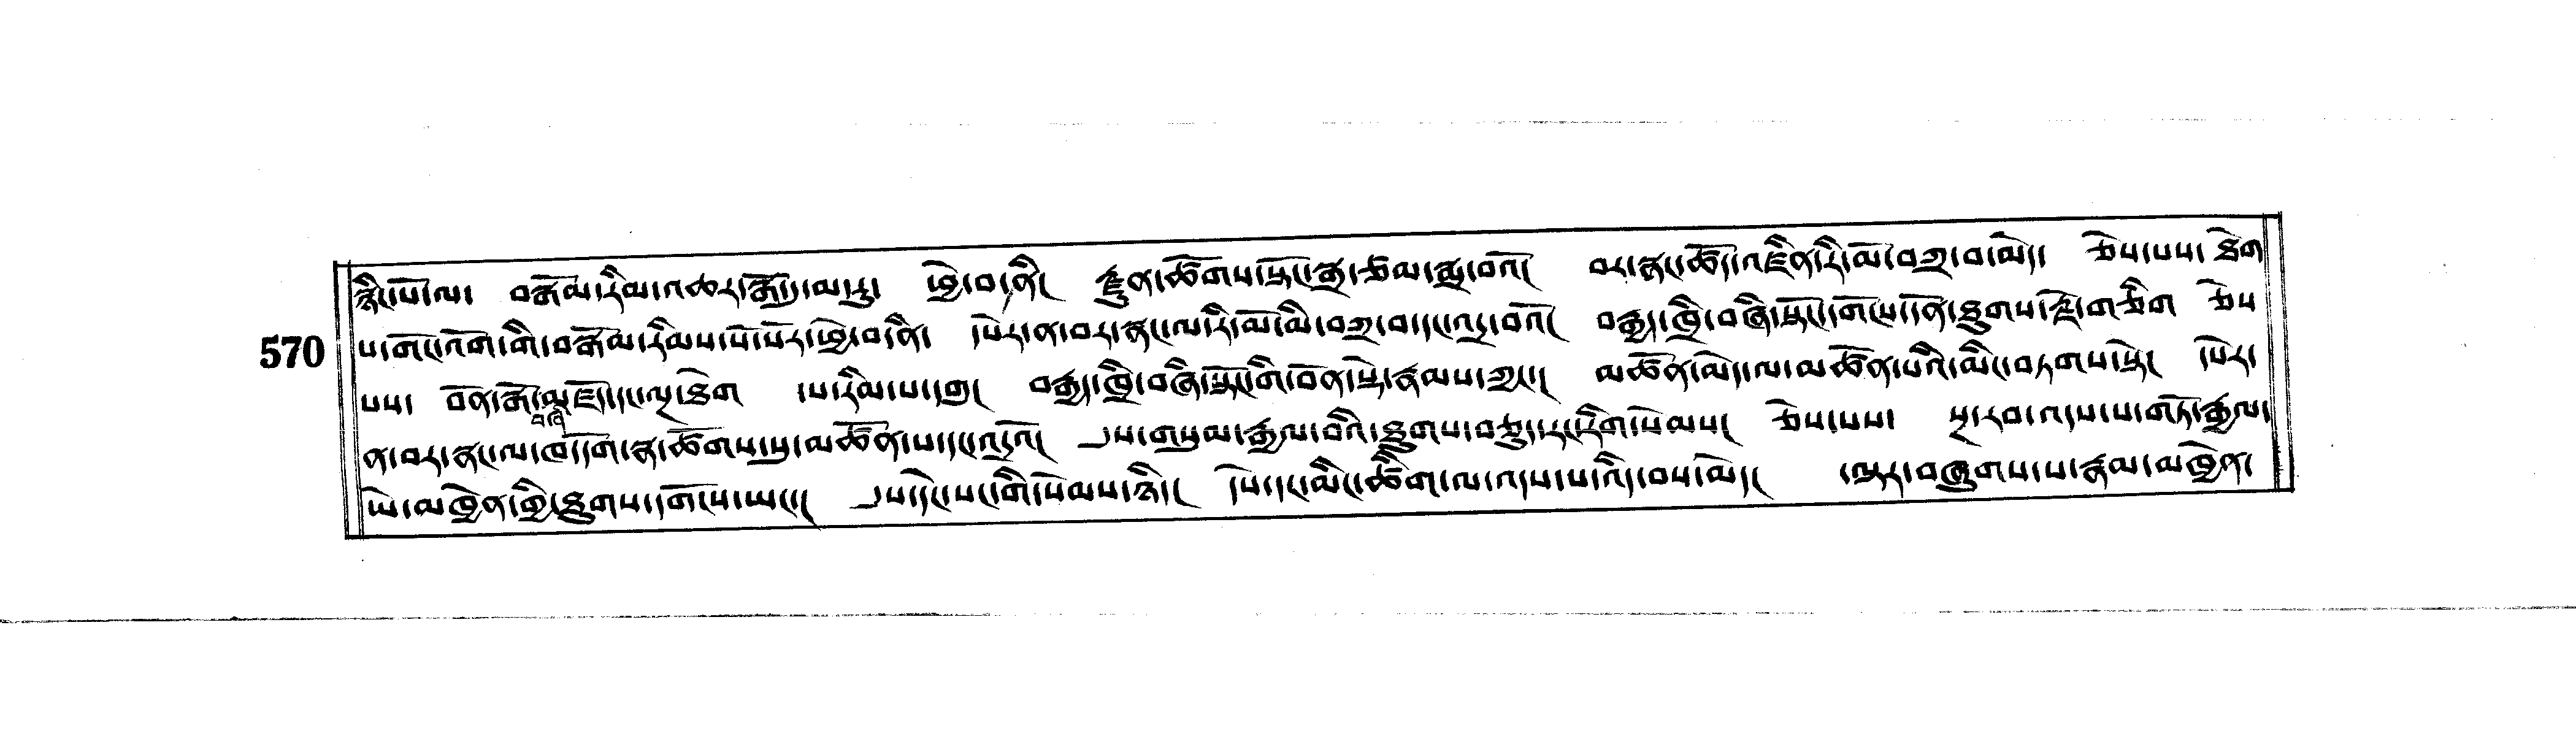སྙིང་པོ་ལ། སྒོམ་རིམ་འཆར་སྒོ་དུ་མ་རུ་ཕྱེ་བ་ནི། རྫུན་ཚོགས་སྟོང་སྒྲ་ཙམ་སྨྲ་བའོ། བར་སྣང་ཚོད་འཛིན་རི་མོ་བཀྲ་བ་མེད། ཅེས་པས། ཐེག
པ་གོང་གི་སྒོམ་རིམ་སོ་སོར་ཕྱེ་བ་ནི། དཔེར་ན་བར་སྣང་ལ་རི་མོ་མི་བཀྲ་བ་དང་འདྲའོ། བརྒྱད་ཁྲི་བཞི་སྟོང་དགོངས་དོན་ཐུགས་རྗེ་གཅིག ཅེས་
པས། བོིན་སྒོ་བཞི་མཛོད་དང་ལྔ་ཐེག་པ་རིམ་པ་དགུ། བརྒྱད་ཁྲི་བཞི་སྟོང་གི་བོན་སྡེ་རྣམས་ཀྱང་། མཚོན་མེད་ལ་མཚོན་པའི་མིང་བཏགས་ཏེ། དཔེར་
ན་བར་སྣང་ལ་ཁ་དོག་སྣ་ཚོགས་མཚོན་པ་དང་འདྲའོ། དུས་གསུམ་རྒྱལ་བའི་ཐུགས་བཅུད་རང་རིག་སེམས། ཅེས་པས། སྔ་རགས་འདས་པ་གཏོ་རྒྱལ་
ཡེ་མཁྱེན་གྱི་ཐུགས་དགོངས་ཡང་། དུས་དེང་སང་གི་སེམས་ཉིད་དཔེ་དང་མིང་ཚིག་ལས་འདས་པ་འདི་བས་མེད། ད་ལྟར་བཞུགས་པ་རྣམ་མཁྱེན་